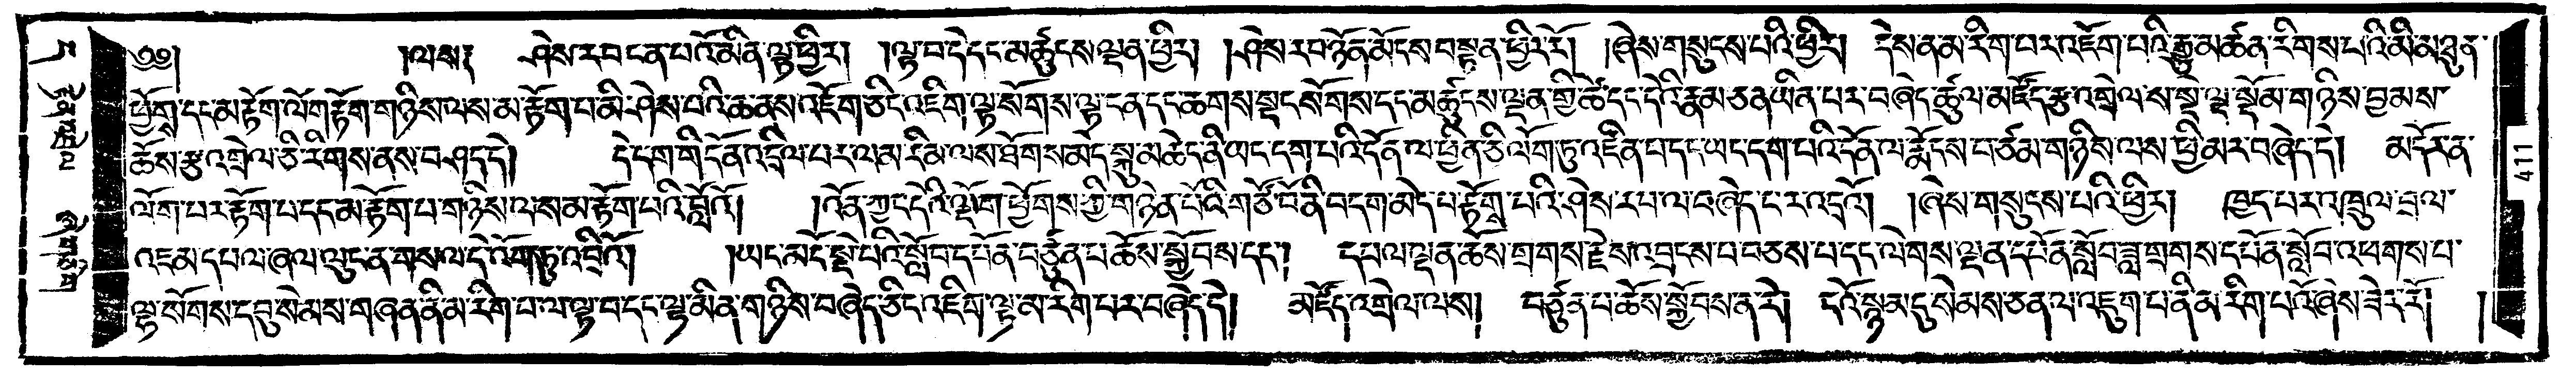༄༅། །ལས༑ ཤེས་རབ་ངན་པའོ་མིན་ལྟ་ཕྱིར། །ལྟ་བ་དེ་དང་མཚུངས་ལྡན་ཕྱིར། །ཤེས་རབ་ཉོན་མོངས་བསྟན་ཕྱིར་རོ། །ཞེས་གསུངས་པའི་ཕྱིར། དེས་ན་མ་རིག་པར་འཇོག་པའི་རྒྱུ་མཚན་རིགས་པའི་མི་མཐུན་
ཕྱོགས་དང་མ་རྟོག་ལོག་རྟོག་གཉིས་ལས་མ་རྟོག་པ་མི་ཤེས་པའི་ཆ་ནས་འཇོག་ཅིང་འཇིག་ལྟ་སོགས་ལྟ་ངན་དང་ཆགས་སྡང་སོགས་དང་མཚུངས་ལྡན་གྱི་ཚེ་དང་དེའི་རྣམ་ཅན་ཡིན་པར་བཞེད་ཚུལ་མཛོད་རྩ་འགྲེལ་ས་སྡེ་ལྔ་སྡོམ་གཉིས་བྱམས་
ཆོས་རྩ་འགྲེལ་ཅི་རིགས་ནས་བཤད་དེ། དེ་དག་གི་དོན་འདྲིལ་བར་ལམ་རིམ་ལས་ཐོགས་མེད་སྐུ་མཆེད་ནི་ཡང་དག་པའི་དོན་ལ་ཕྱིན་ཅི་ལོག་ཏུ་འཛིན་པ་དང་ཡང་དག་པའི་དོན་ལ་རྨོངས་པ་ཙམ་གཉིས་ལས་ཕྱི་མར་བཞེད་དེ། མདོར་ན་
ལོག་པར་རྟོག་པ་དང་མ་རྟོག་པ་གཉིས་ལས་མ་རྟོག་པའི་བློའོ། །འོན་ཀྱང་དེའི་ལྡོག་ཕྱོགས་ཀྱི་གཉེན་པོའི་གཙོ་བོ་ནི་བདག་མེད་པ་རྟོགས་པའི་ཤེས་རབ་ལ་བཞེད་པར་འདྲའོ། །ཞེས་གསུངས་པའི་ཕྱིར། ཁྱད་པར་འཁྲུལ་བྲལ་
འཇམ་དཔལ་ཞལ་ལུང་ན་གསལ་དེ་འོག་ཏུ་འབྲིའོ། །ཡང་མདོ་སྡེ་པའི་སློབ་དཔོན་བཙུན་པ་ཆོས་སྐྱོབས་དང་། དཔལ་ལྡན་ཆོས་གྲགས་རྗེས་འབྲངས་པ་བཅས་པ་དང་ལེགས་ལྡན་དཔོན་སློབ་ཟླ་གྲགས་དཔོན་སློབ་འཕགས་པ་
ལྷ་སོགས་དབུ་སེམས་གཞན་ནི་མ་རིག་པ་ལ་ལྟ་བ་དང་ལྟ་མིན་གཉིས་བཞེད་ཅིང་འཇིག་ལྟ་མ་རིག་པར་བཞེད་དེ། མཛོད་འགྲེལ་ལས། བཙུན་པ་ཆོས་སྐྱོབས་ན་རེ། ངའོ་སྙམ་དུ་སེམས་ཅན་ལ་འཇུག་པ་ནི་མ་རིག་པའོ་ཞེས་ཟེར་རོ། །